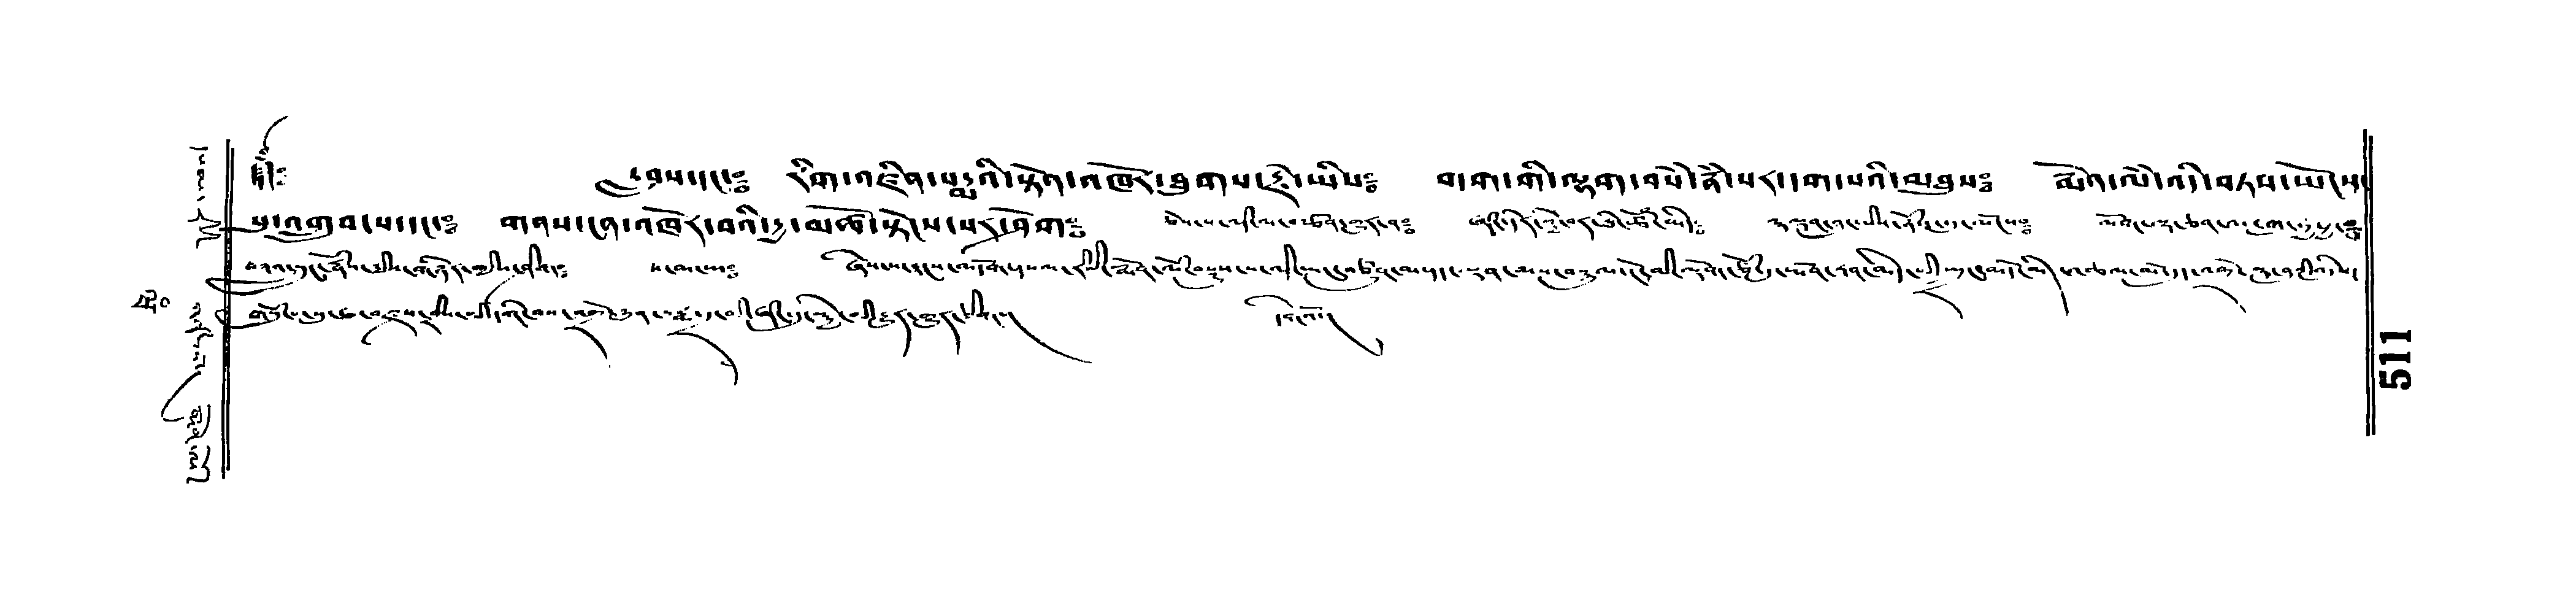རླབས་དང༔ རིག་འཛིན་པདྨ་སྟོན་འཁོར་ཐུགས་རྗེ་ཡིས༔ བདག་གི་ལྷག་བསམ་རྣམ་པར་དག་པའི་མཐུས༔ སྨོན་ལམ་འདི་བཏབ་ཡོངས་
སུ་འགྲུབ་པ་དང༔ གནས་ངན་འཁོར་བའི་རྒྱ་མཚོ་སྟོངས་པར་ཤོག༔ ཅེས་པ་འདི་ལ་བརྩོན་གྱུར་ན༔ ཞིང་དེར་སྐྱེ་བར་ཐེ་ཚོམ་མེད༔ སྐལ་ལྡན་བུ་ཡིས་ཉམས་སུ་ལོངས༔ ལོག་ལྟ་ཅན་ལ་གུ་ཧྱ་རྒྱ༔ 
བཀའ་སྲུང་རྣམས་ཀྱི་གཉེར་གྱིས་ཤིག༔ ས་མ་ཡ༔ ཞེས་པ་ཟངས་མདོག་དཔལ་རིའི་སྨོན་ལམ་བསྡུས་པ་འདི་ཡང་བཙུན་མ་དད་ལྡན་མས་བསྐུལ་ངོ་མི་ལྡོག་ཙམ་དུ་ཡོན་ཏན་མེད་པའི་སྤྲང་མདོ་མེད་འཆལ་མོ་དུད་འགྲོ་ལྟ་བུའི་འདུ་ཤེས་
གསུམ་པ་སུ་ཁ་བཛྲས་བྲིས་པའི་དགེ་བས་འགྲོ་ཀུན་པདྨ་དྲྭ་བའི་ཞིང་དུ་སྐྱེ་བའི་རྒྱུར་གྱུར་ཅིག དགེའོ།།